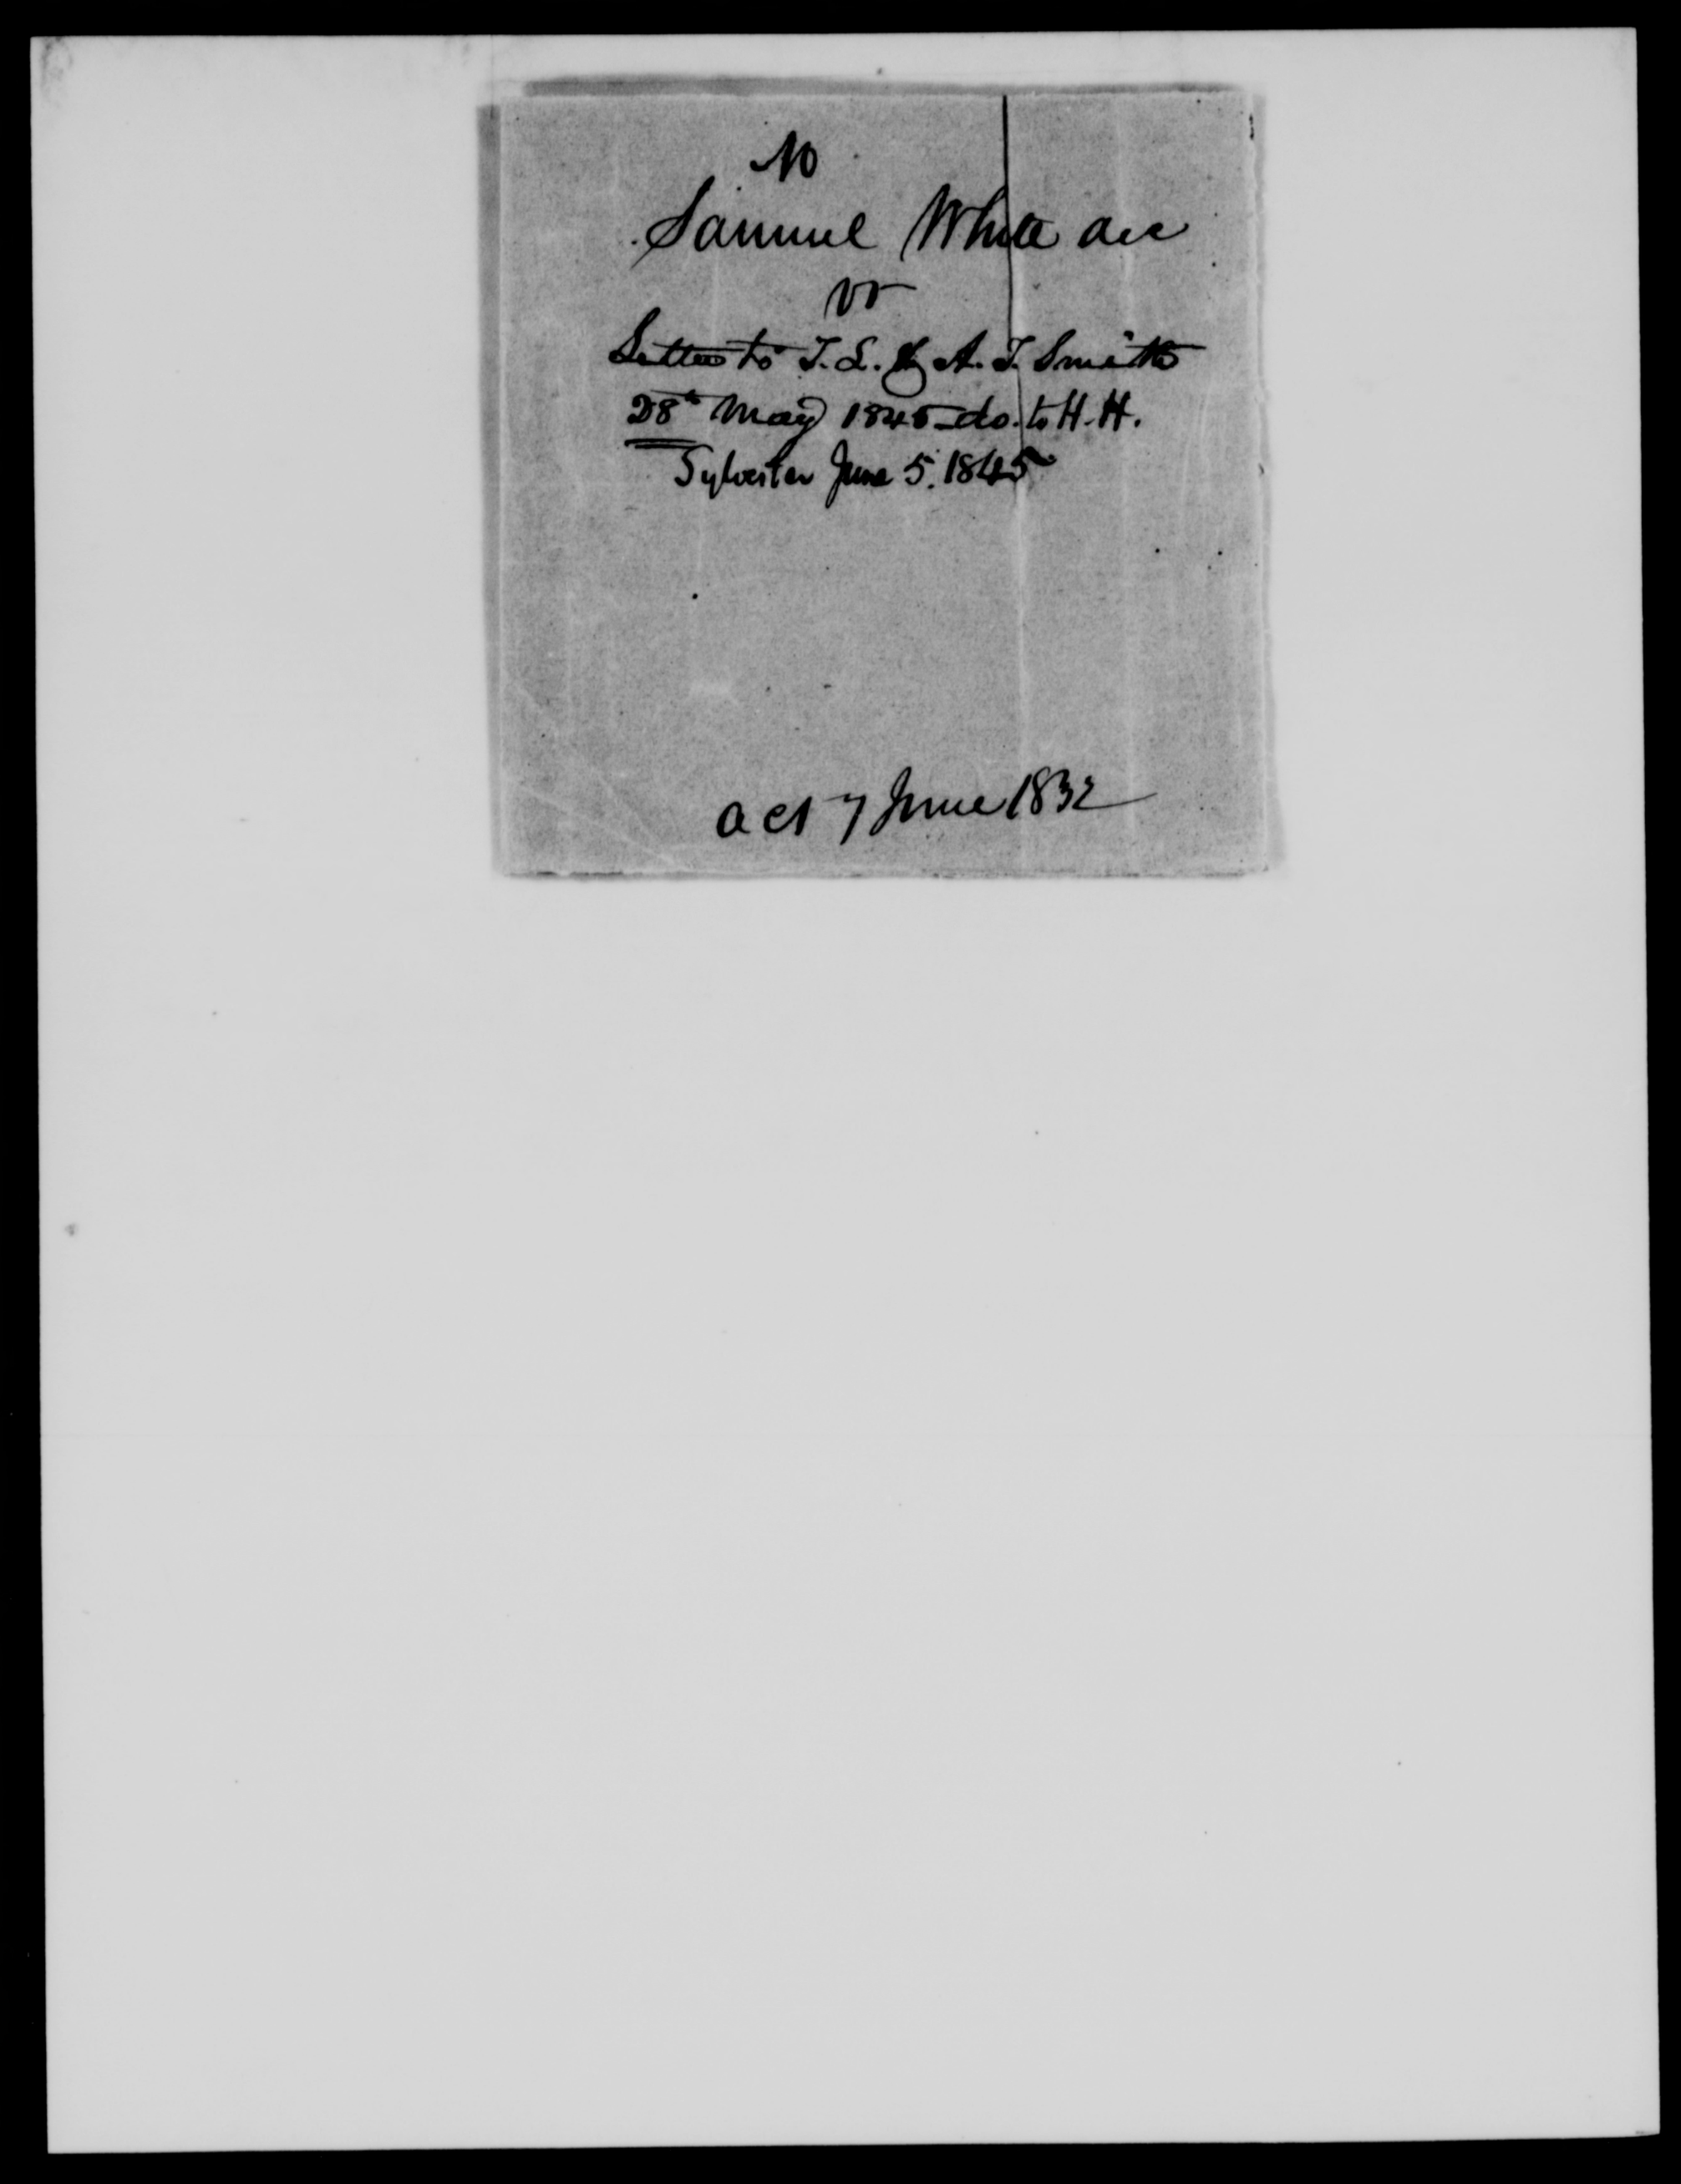No
Samuel White  aw
Vt.
Letter to T. L. Zeb T Smith
28th May 1845 do. to H. H. Sylvester June 5 1845

Act 7 June 1832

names: Samuel White, H H Sylvester, A L Smith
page: 19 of 79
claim: survivor's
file: S. 11759, Samuel White, Mass.